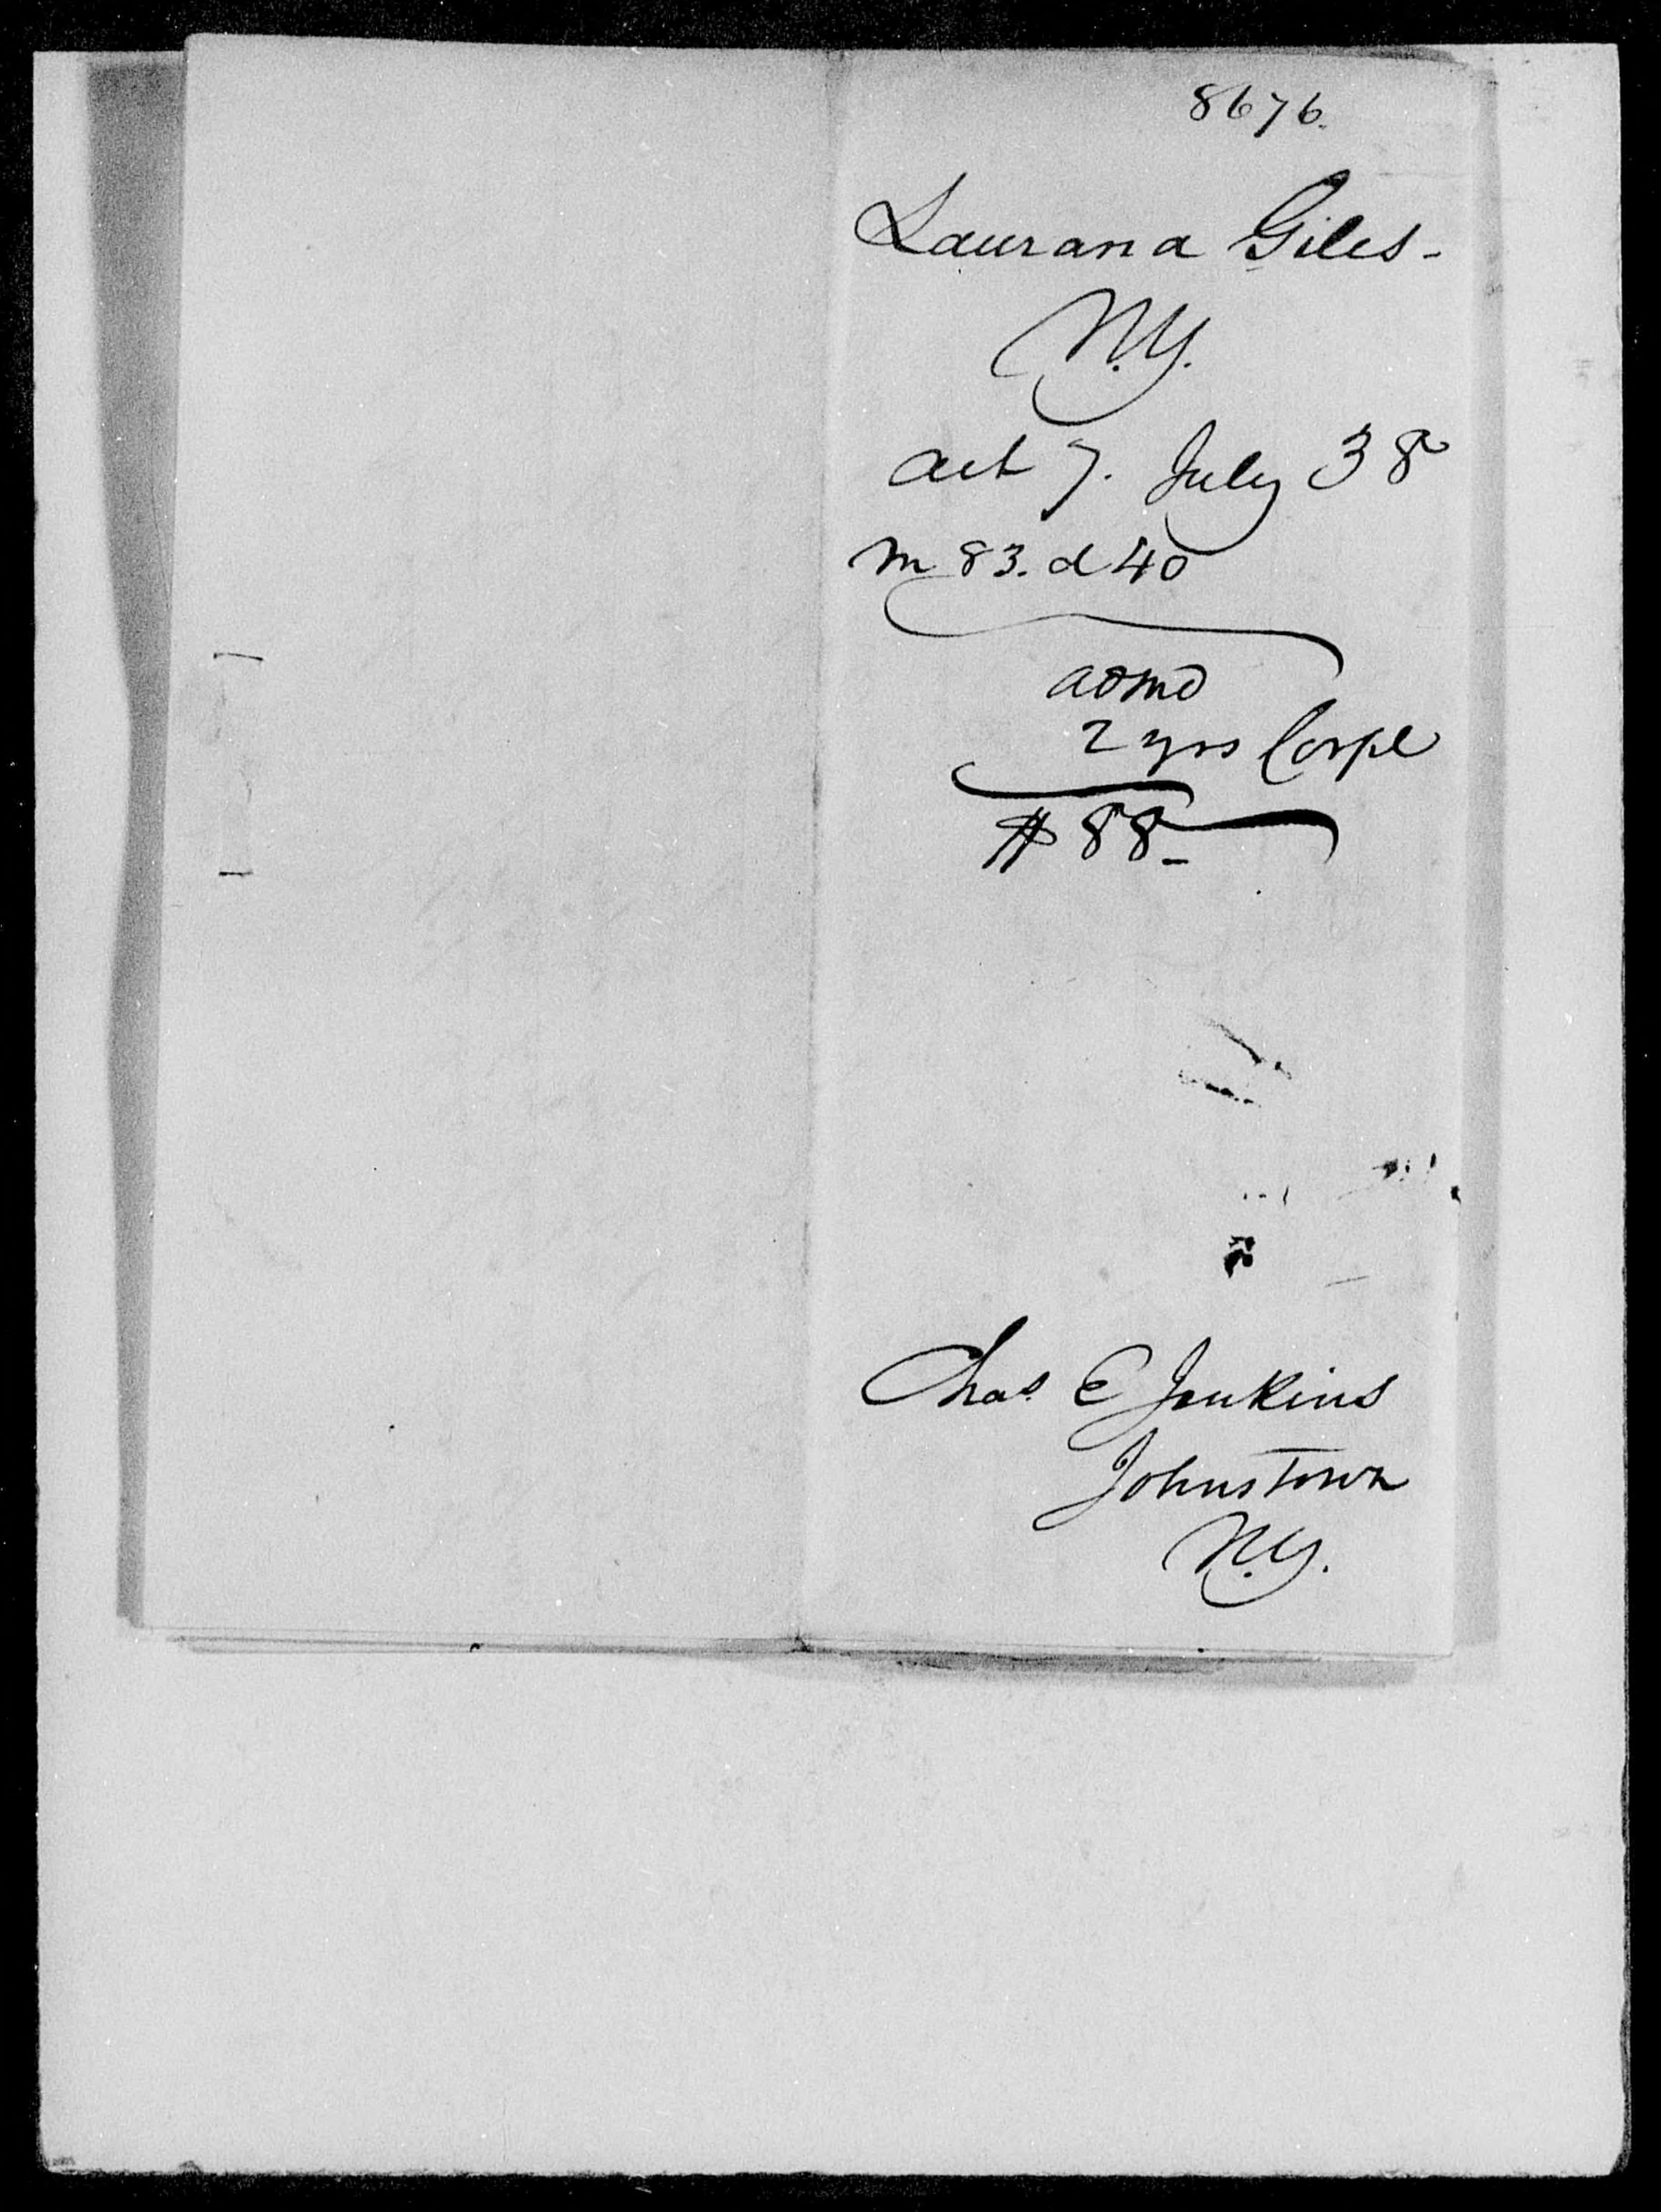8676
Laurana Giles
N.Y.
act 7 July 38
m 83 d 40
(?)
2 yrs Corpl
$88

Chas E Jenkins
Johnstown N.Y.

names: Chas E Jenkins, Laurana Giles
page: 12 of 55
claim: widow's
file: W. 19503, Samuel Giles, Conti. Mass. New York